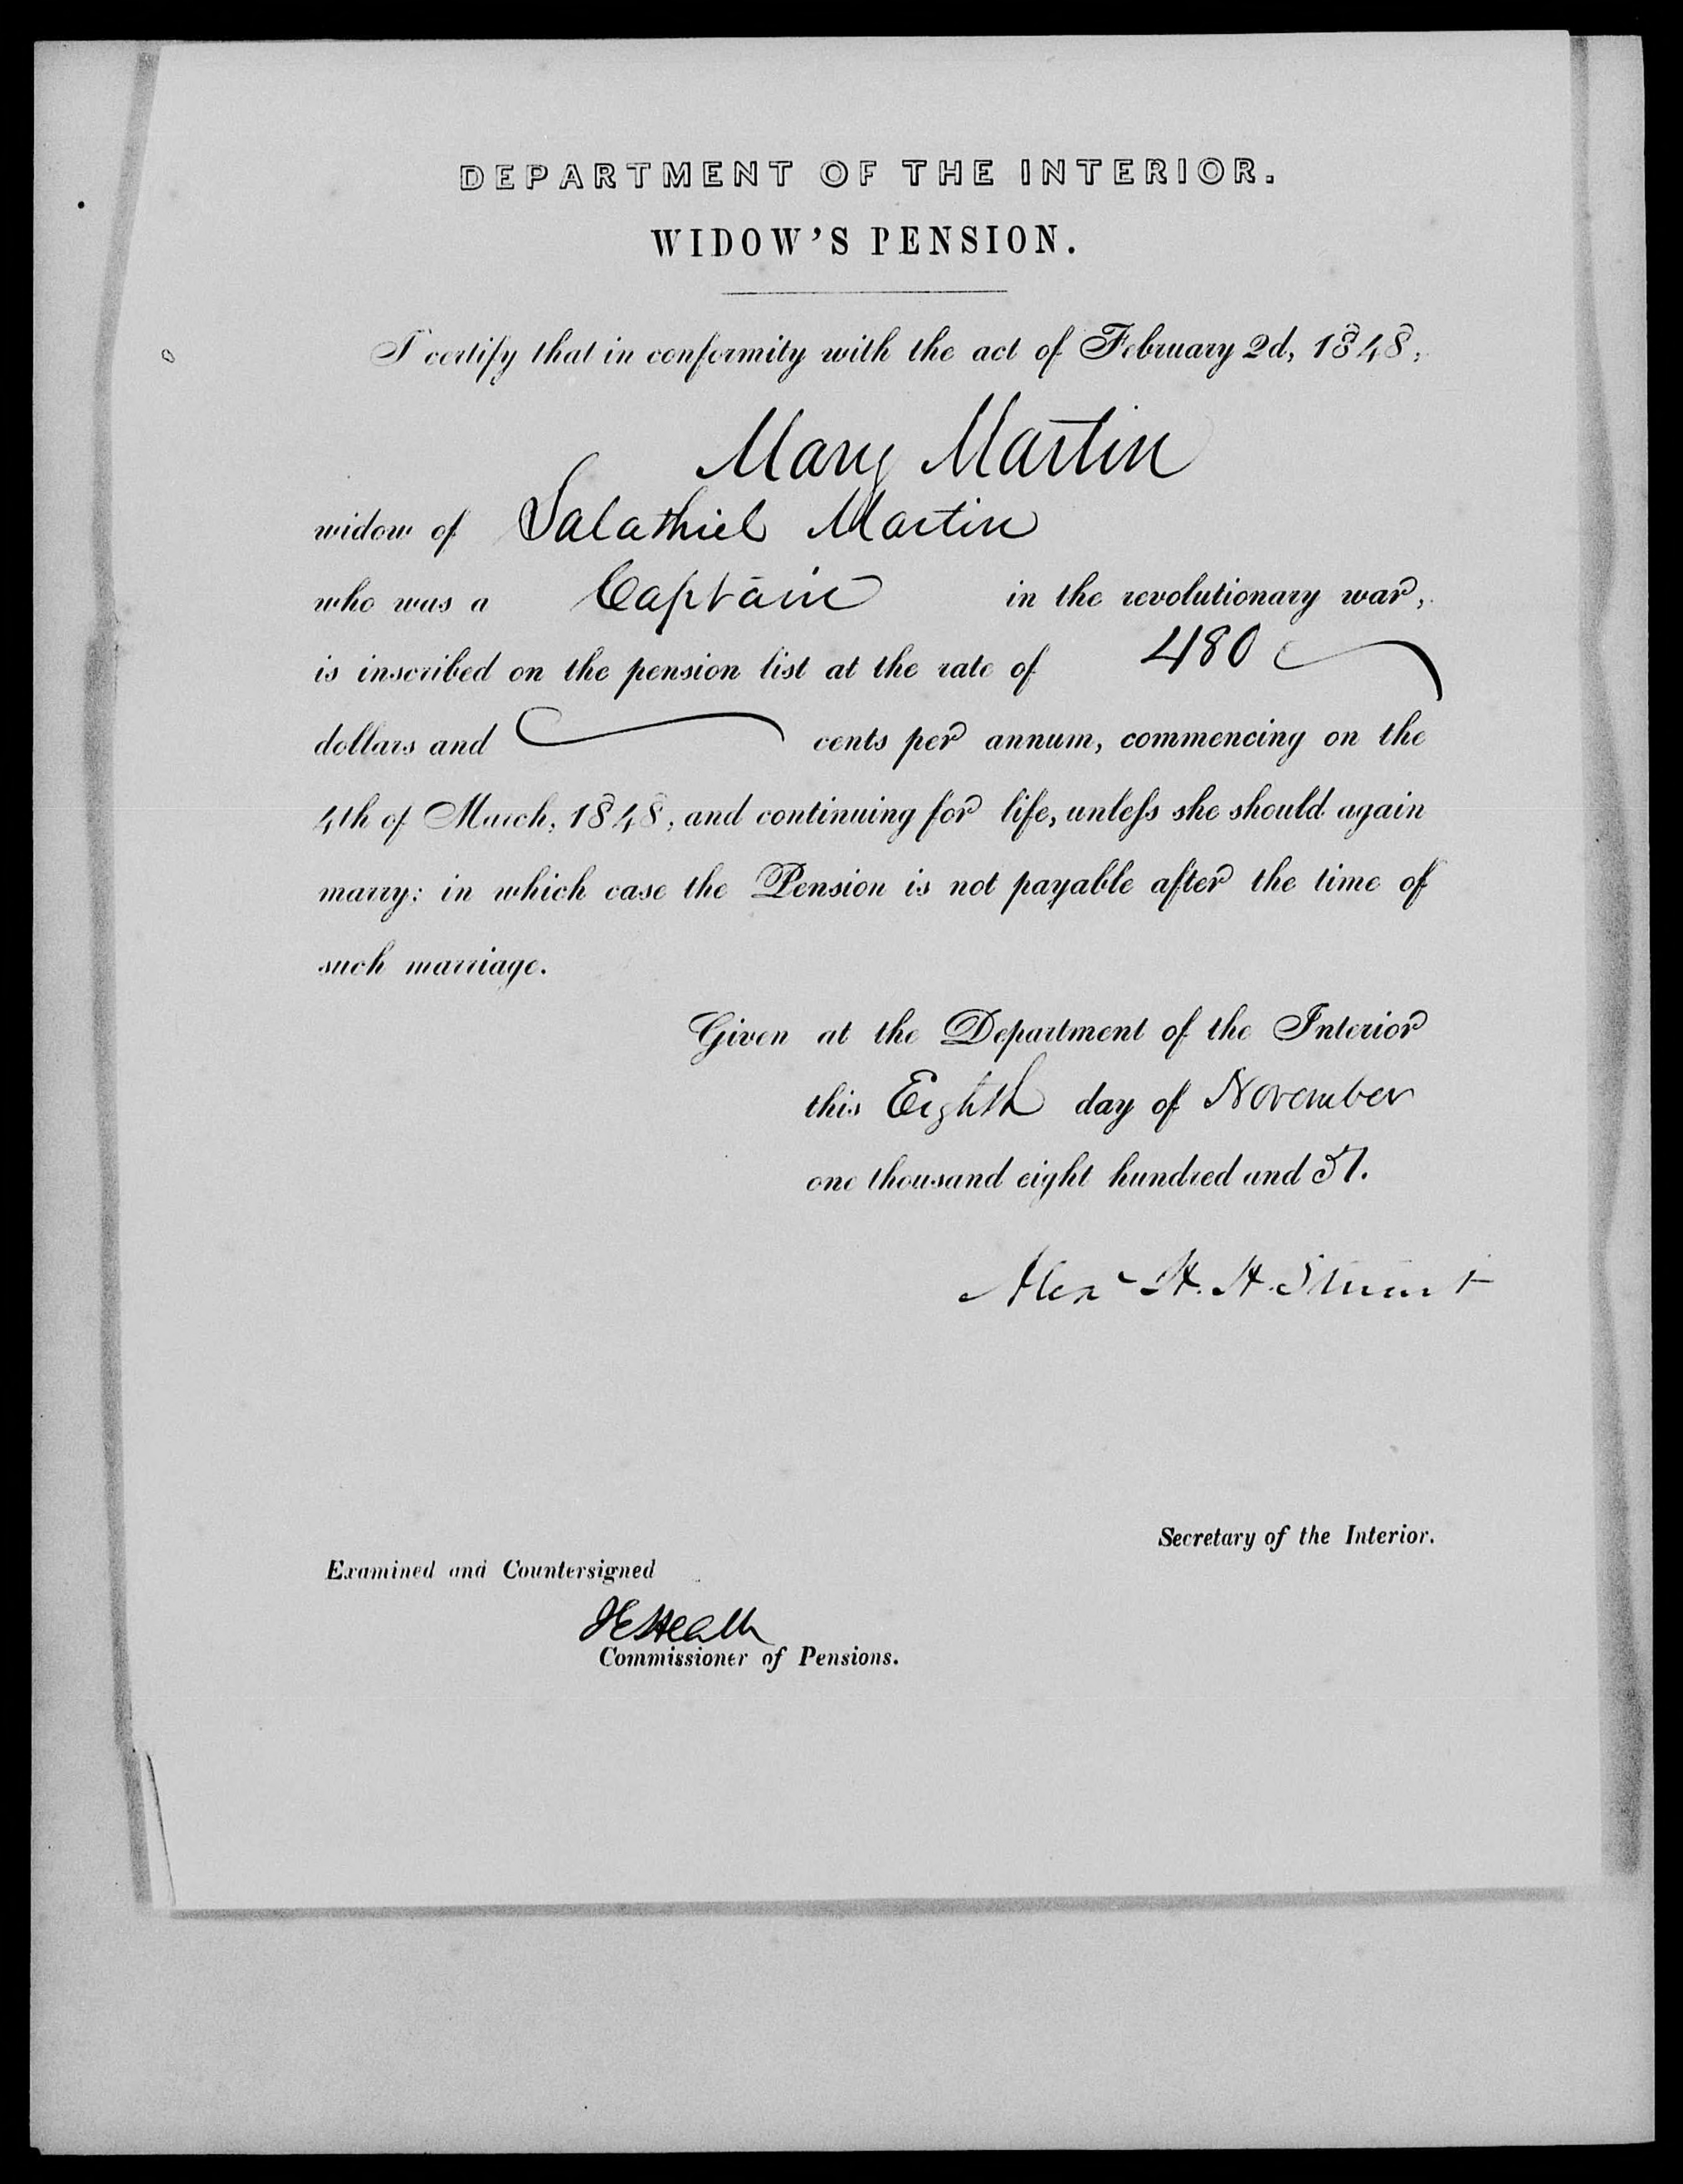[printed form, handwritten responses]
WIDOW'S PENSION
I certify that in conformity with the act of February 2d, 1848,
Mary Martin
widow of Salathiel Martin
who was a Captain in the revolutionary war,
is inscribed on the pension list at the rate of 480
dollars and [blank] cents per annum, commencing on the
4th of March, 1848, and continuing for life, unless she should again
marry: in which case the Pension is not payable after the time of
such marriage.
Given at the Department of the Interior
this Eight day of November
one thousand eight hundred and 51.
Alexr H.H. Stuart
Secretary of the Interior.
Examined and Countersigned
JEHeath
Commissioner of Pensions.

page: 36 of 120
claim: widow's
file: W. 1044, for Salathiel Martin, North Carolina